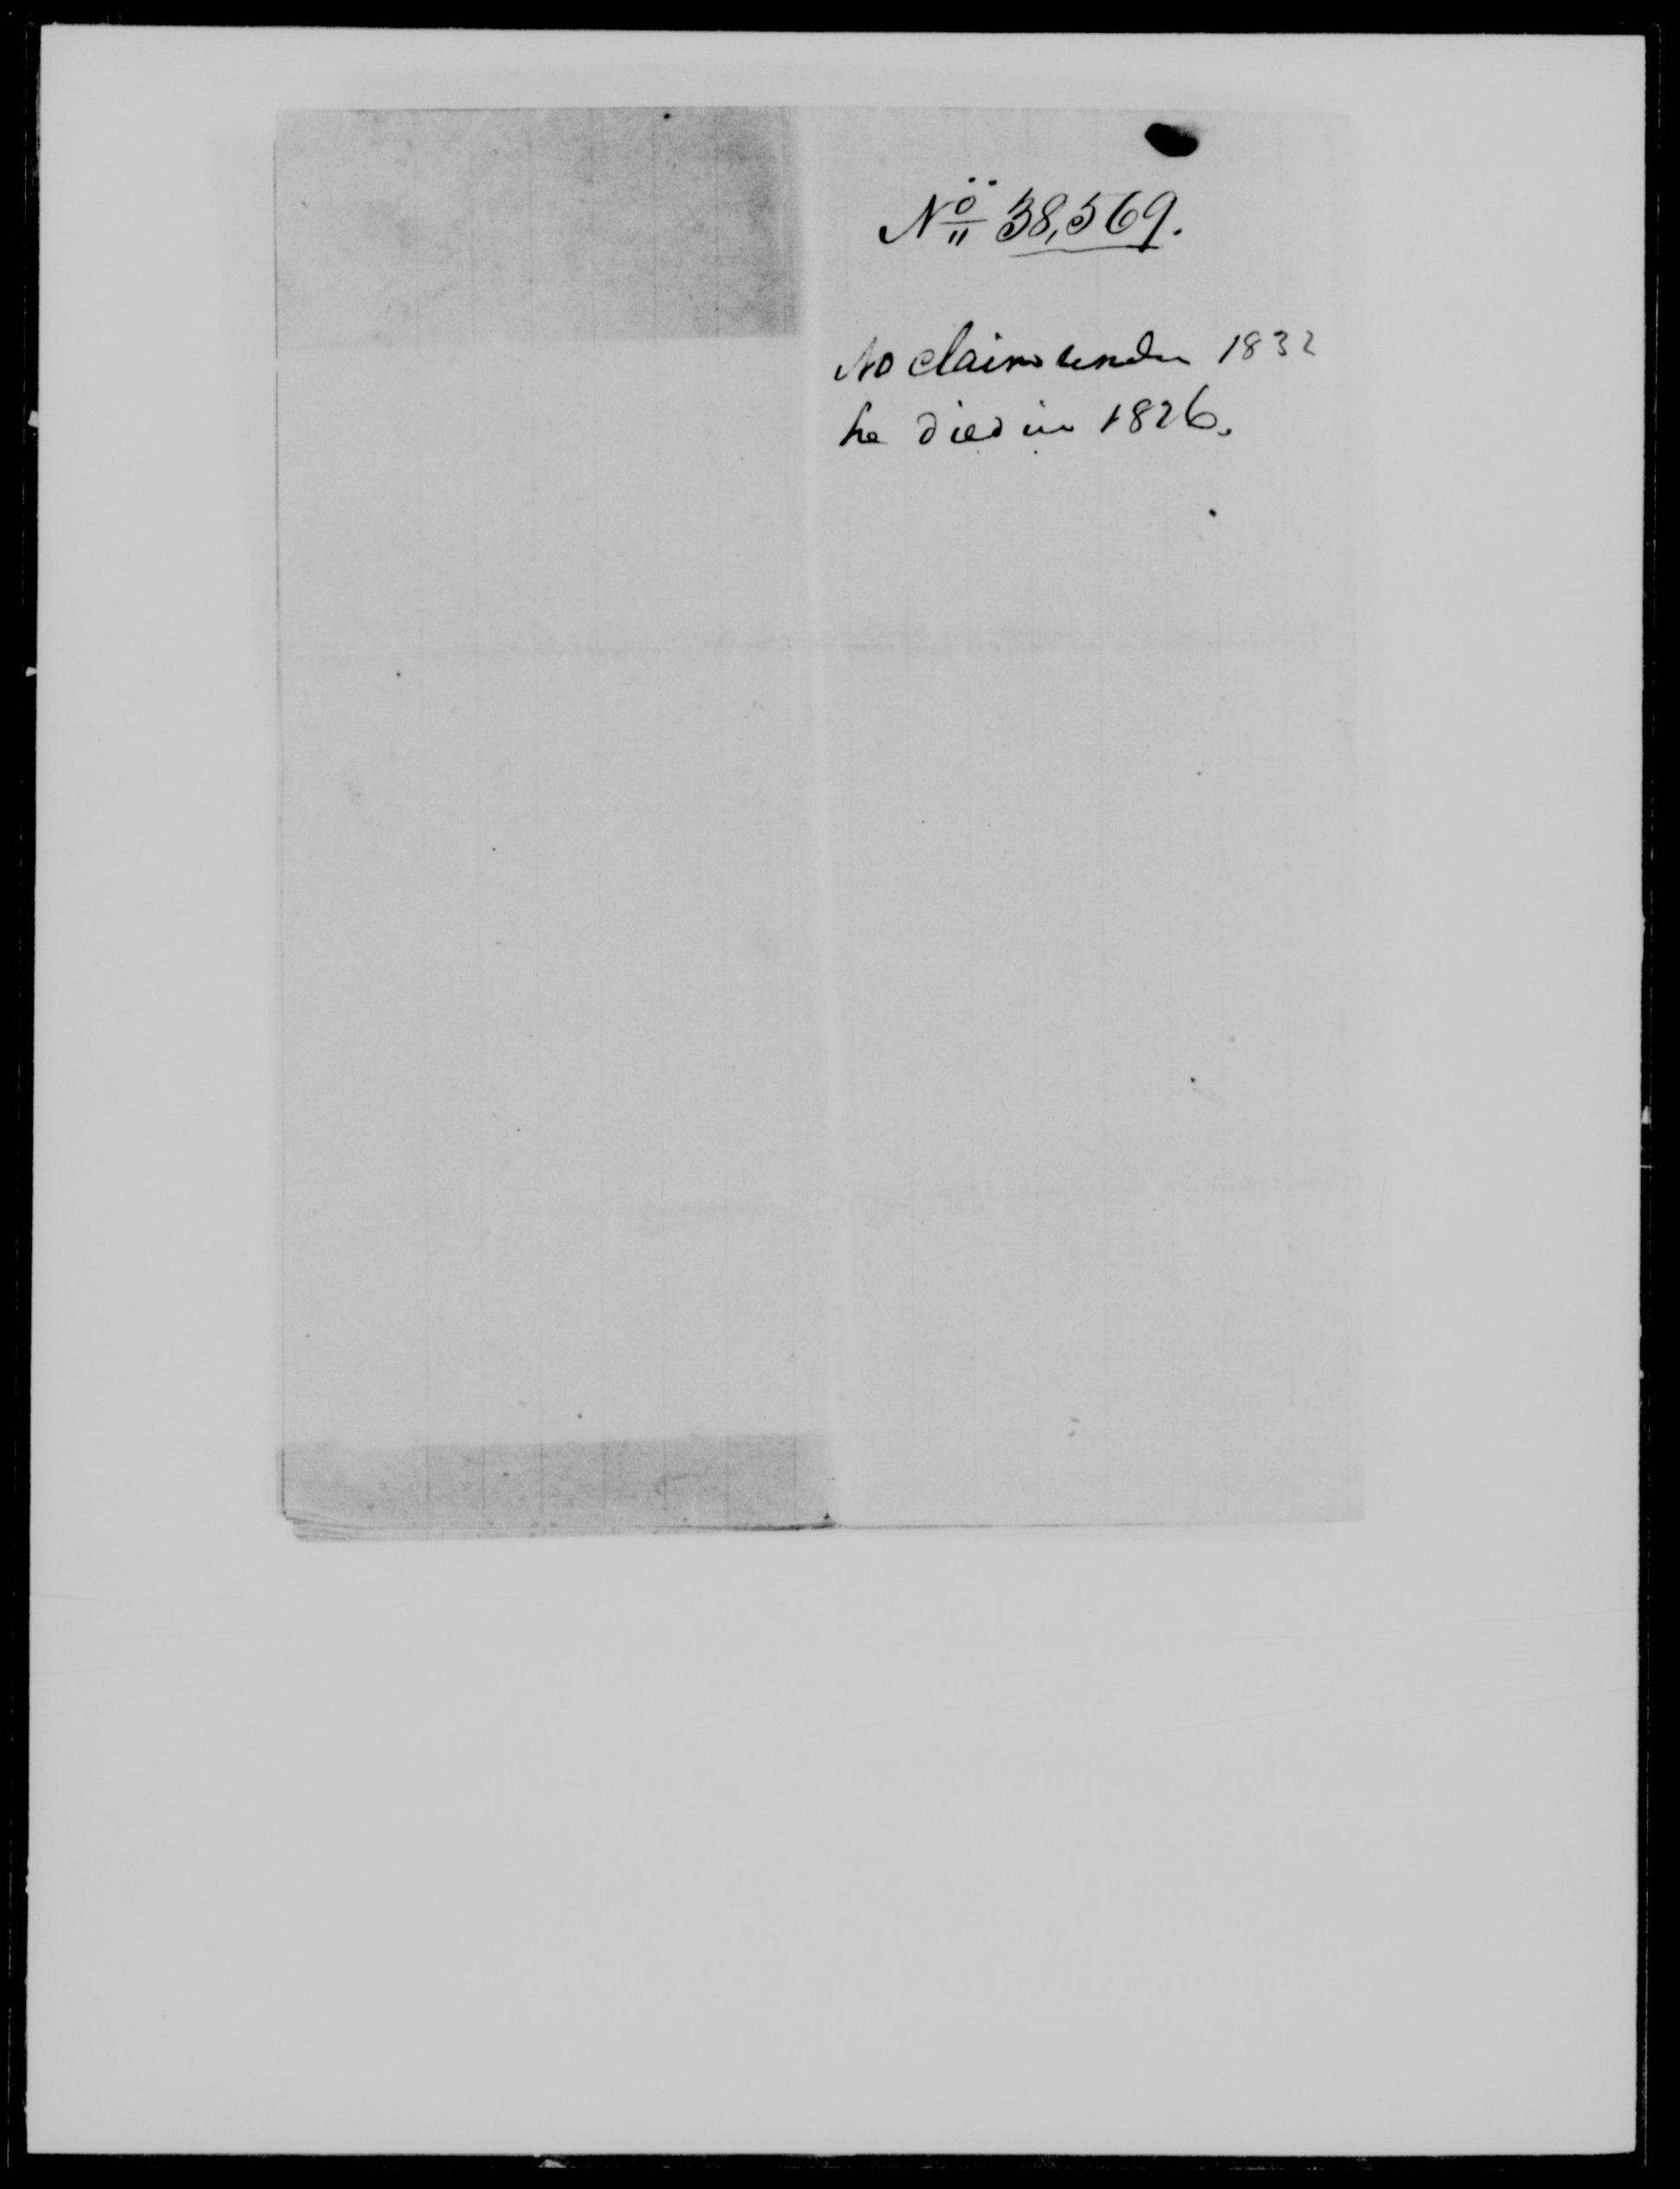[handwritten]

No. 38,569.

No claim under 1832
he died in 1826.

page: 5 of 8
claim: rejected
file: R. 10677, Martin Trap, Va.